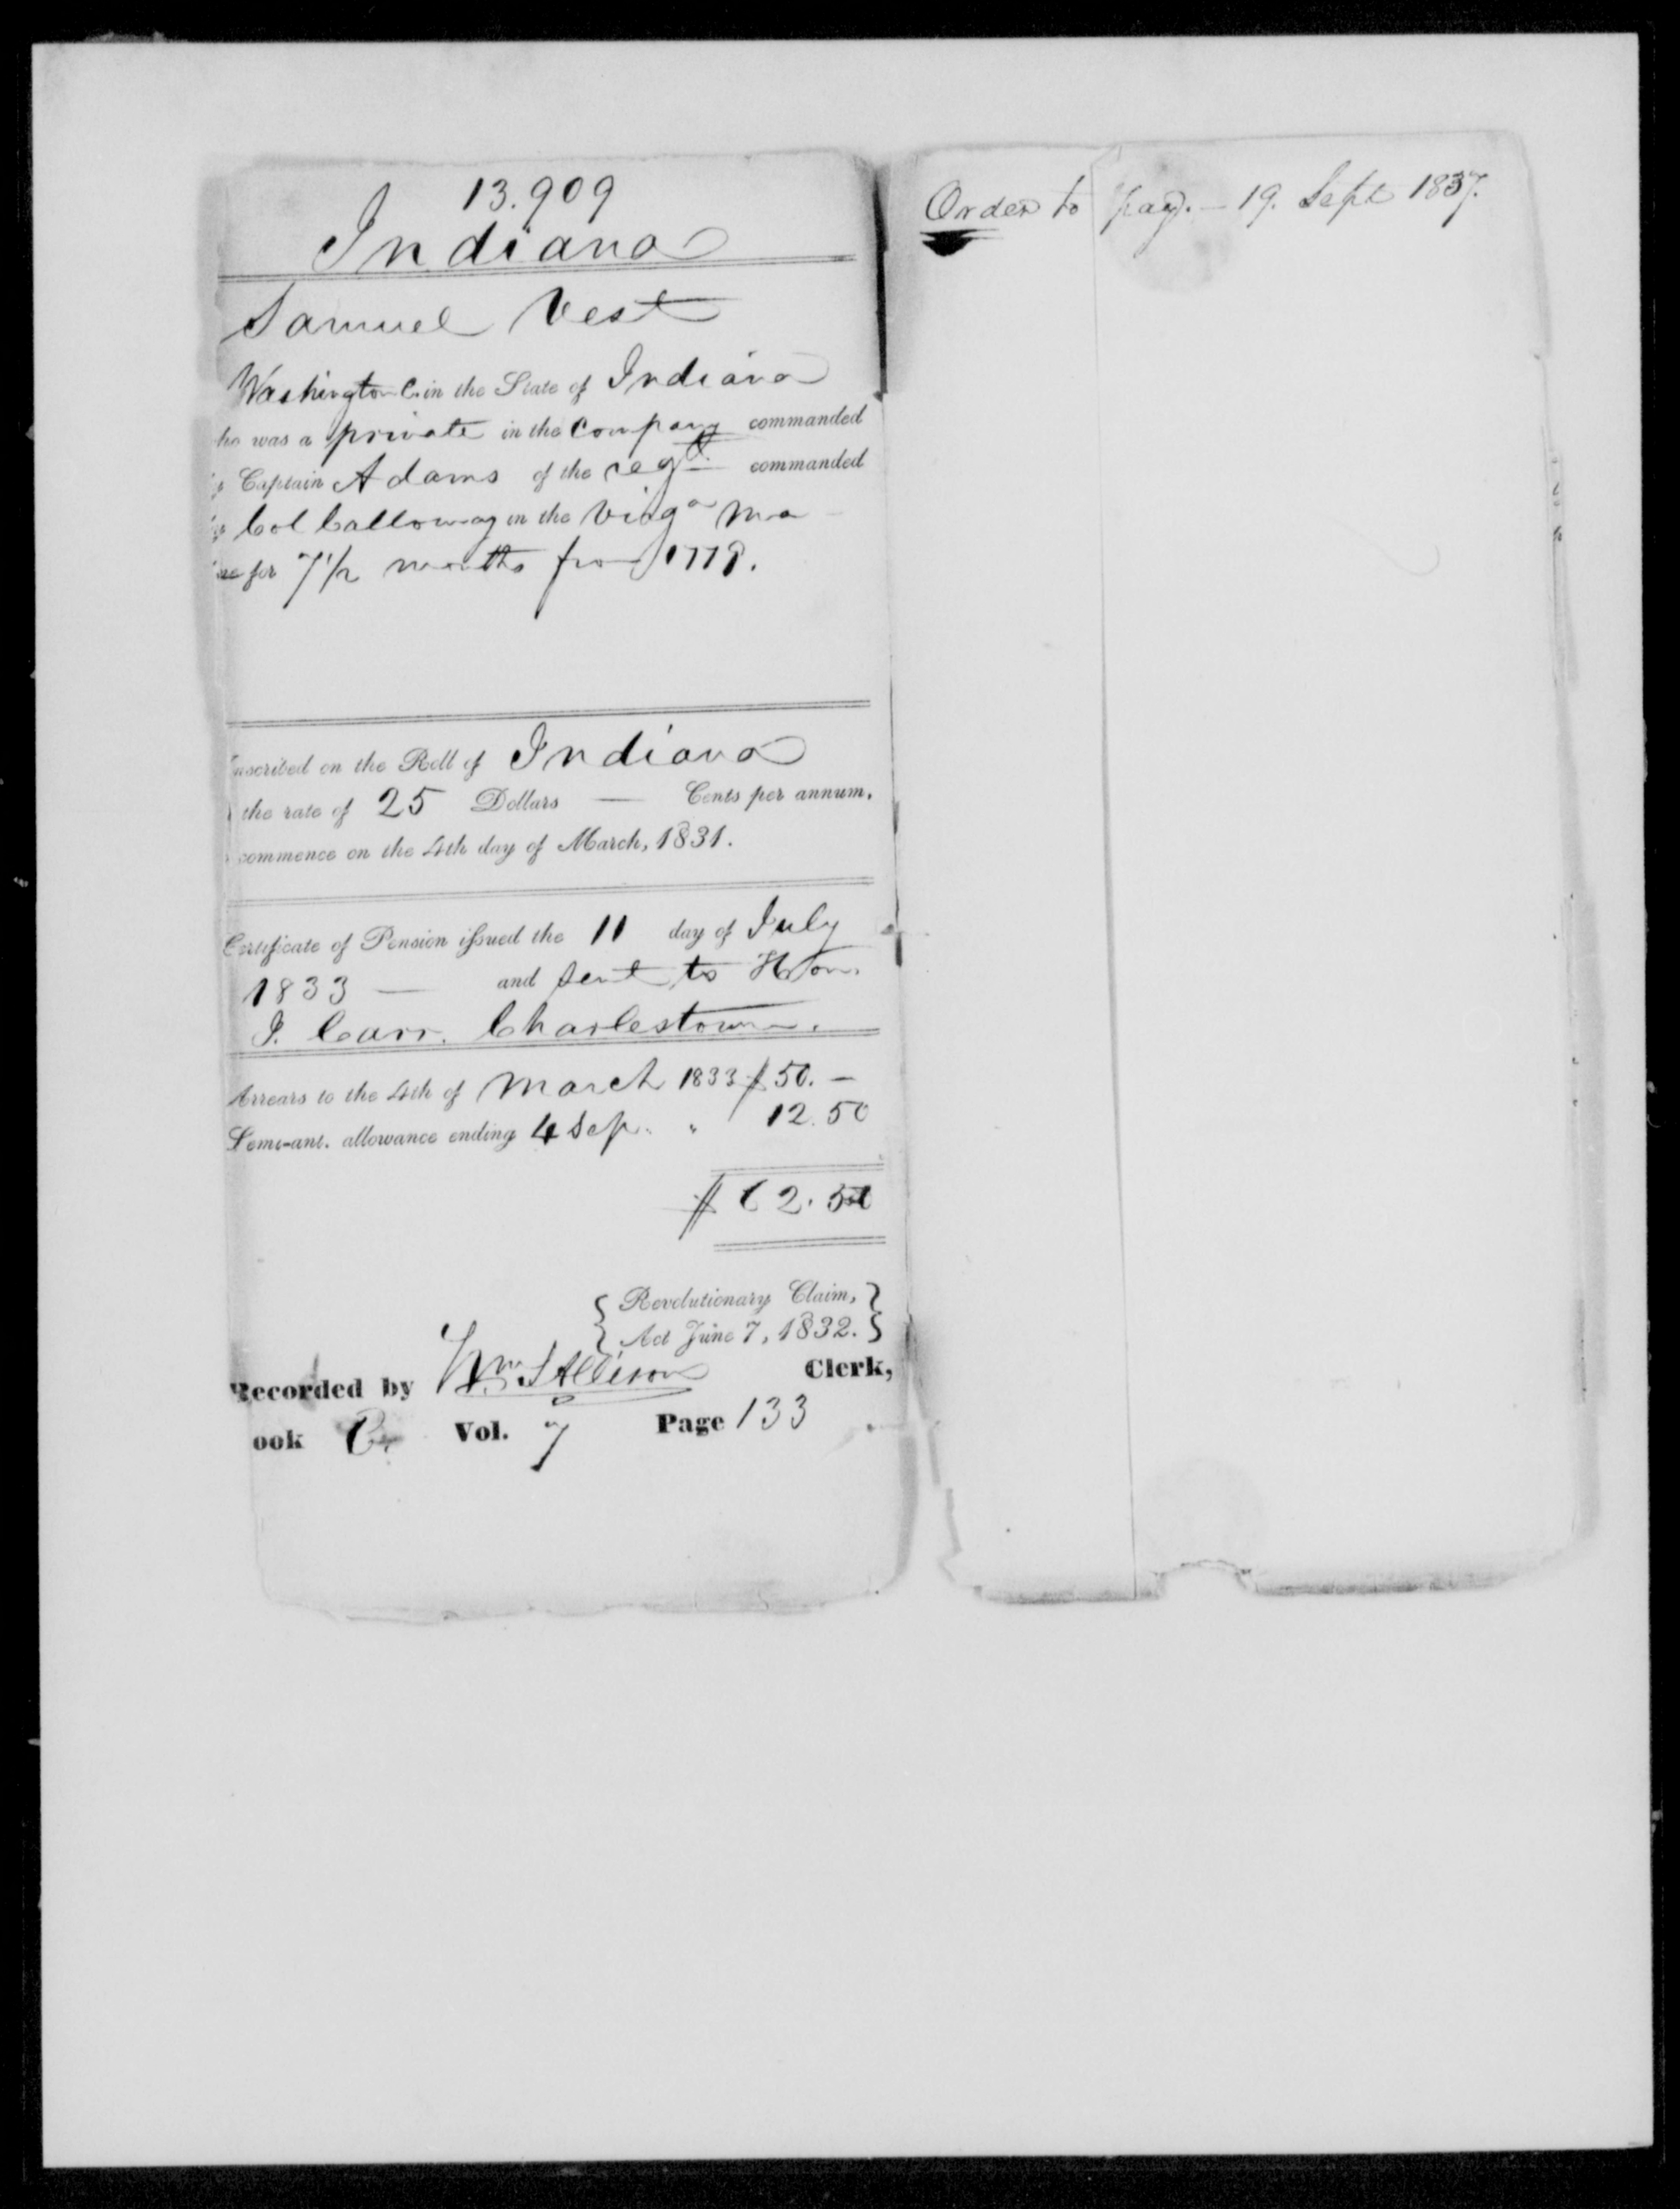[typed form, with handwritten responses]

[left side] 13,909
Indiana

Samuel Vest

of Washington Co. in the State of Indiana who was a private in the company commanded by Captain Adams of the regt [regiment] commanded by Col. Calloway in the Virga [Virginia] Ma- [Militia] line for 7 ½ months from 1779.

Inscribed on the Roll of Indiana
at the rate of 25 Dollars - Cents per annum,
to commence on the 4th day of March 1831.

Certificate of Pension issued the 11 day of July
1833 -- and sent to Hon J. Carr Charlestown

Arrears to the 4th of March 1833 $50.-
Semi-anl. [annual] allowance ending 4 Sep. “ [1833] 12.50
$62.50

{Revolutionary Claim}
{Act June 7, 1832}

Recorded by Wm L Allison, Clerk
Book [Illegible] Vol. 7 Page 133

[right side] Order to pay – 19 Sept 1837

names: Adams, Calloway, Wm L Allison, J Carr, Samuel Vest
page: 2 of 15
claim: survivor's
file: S. 16,563, Samuel Vest, Va.